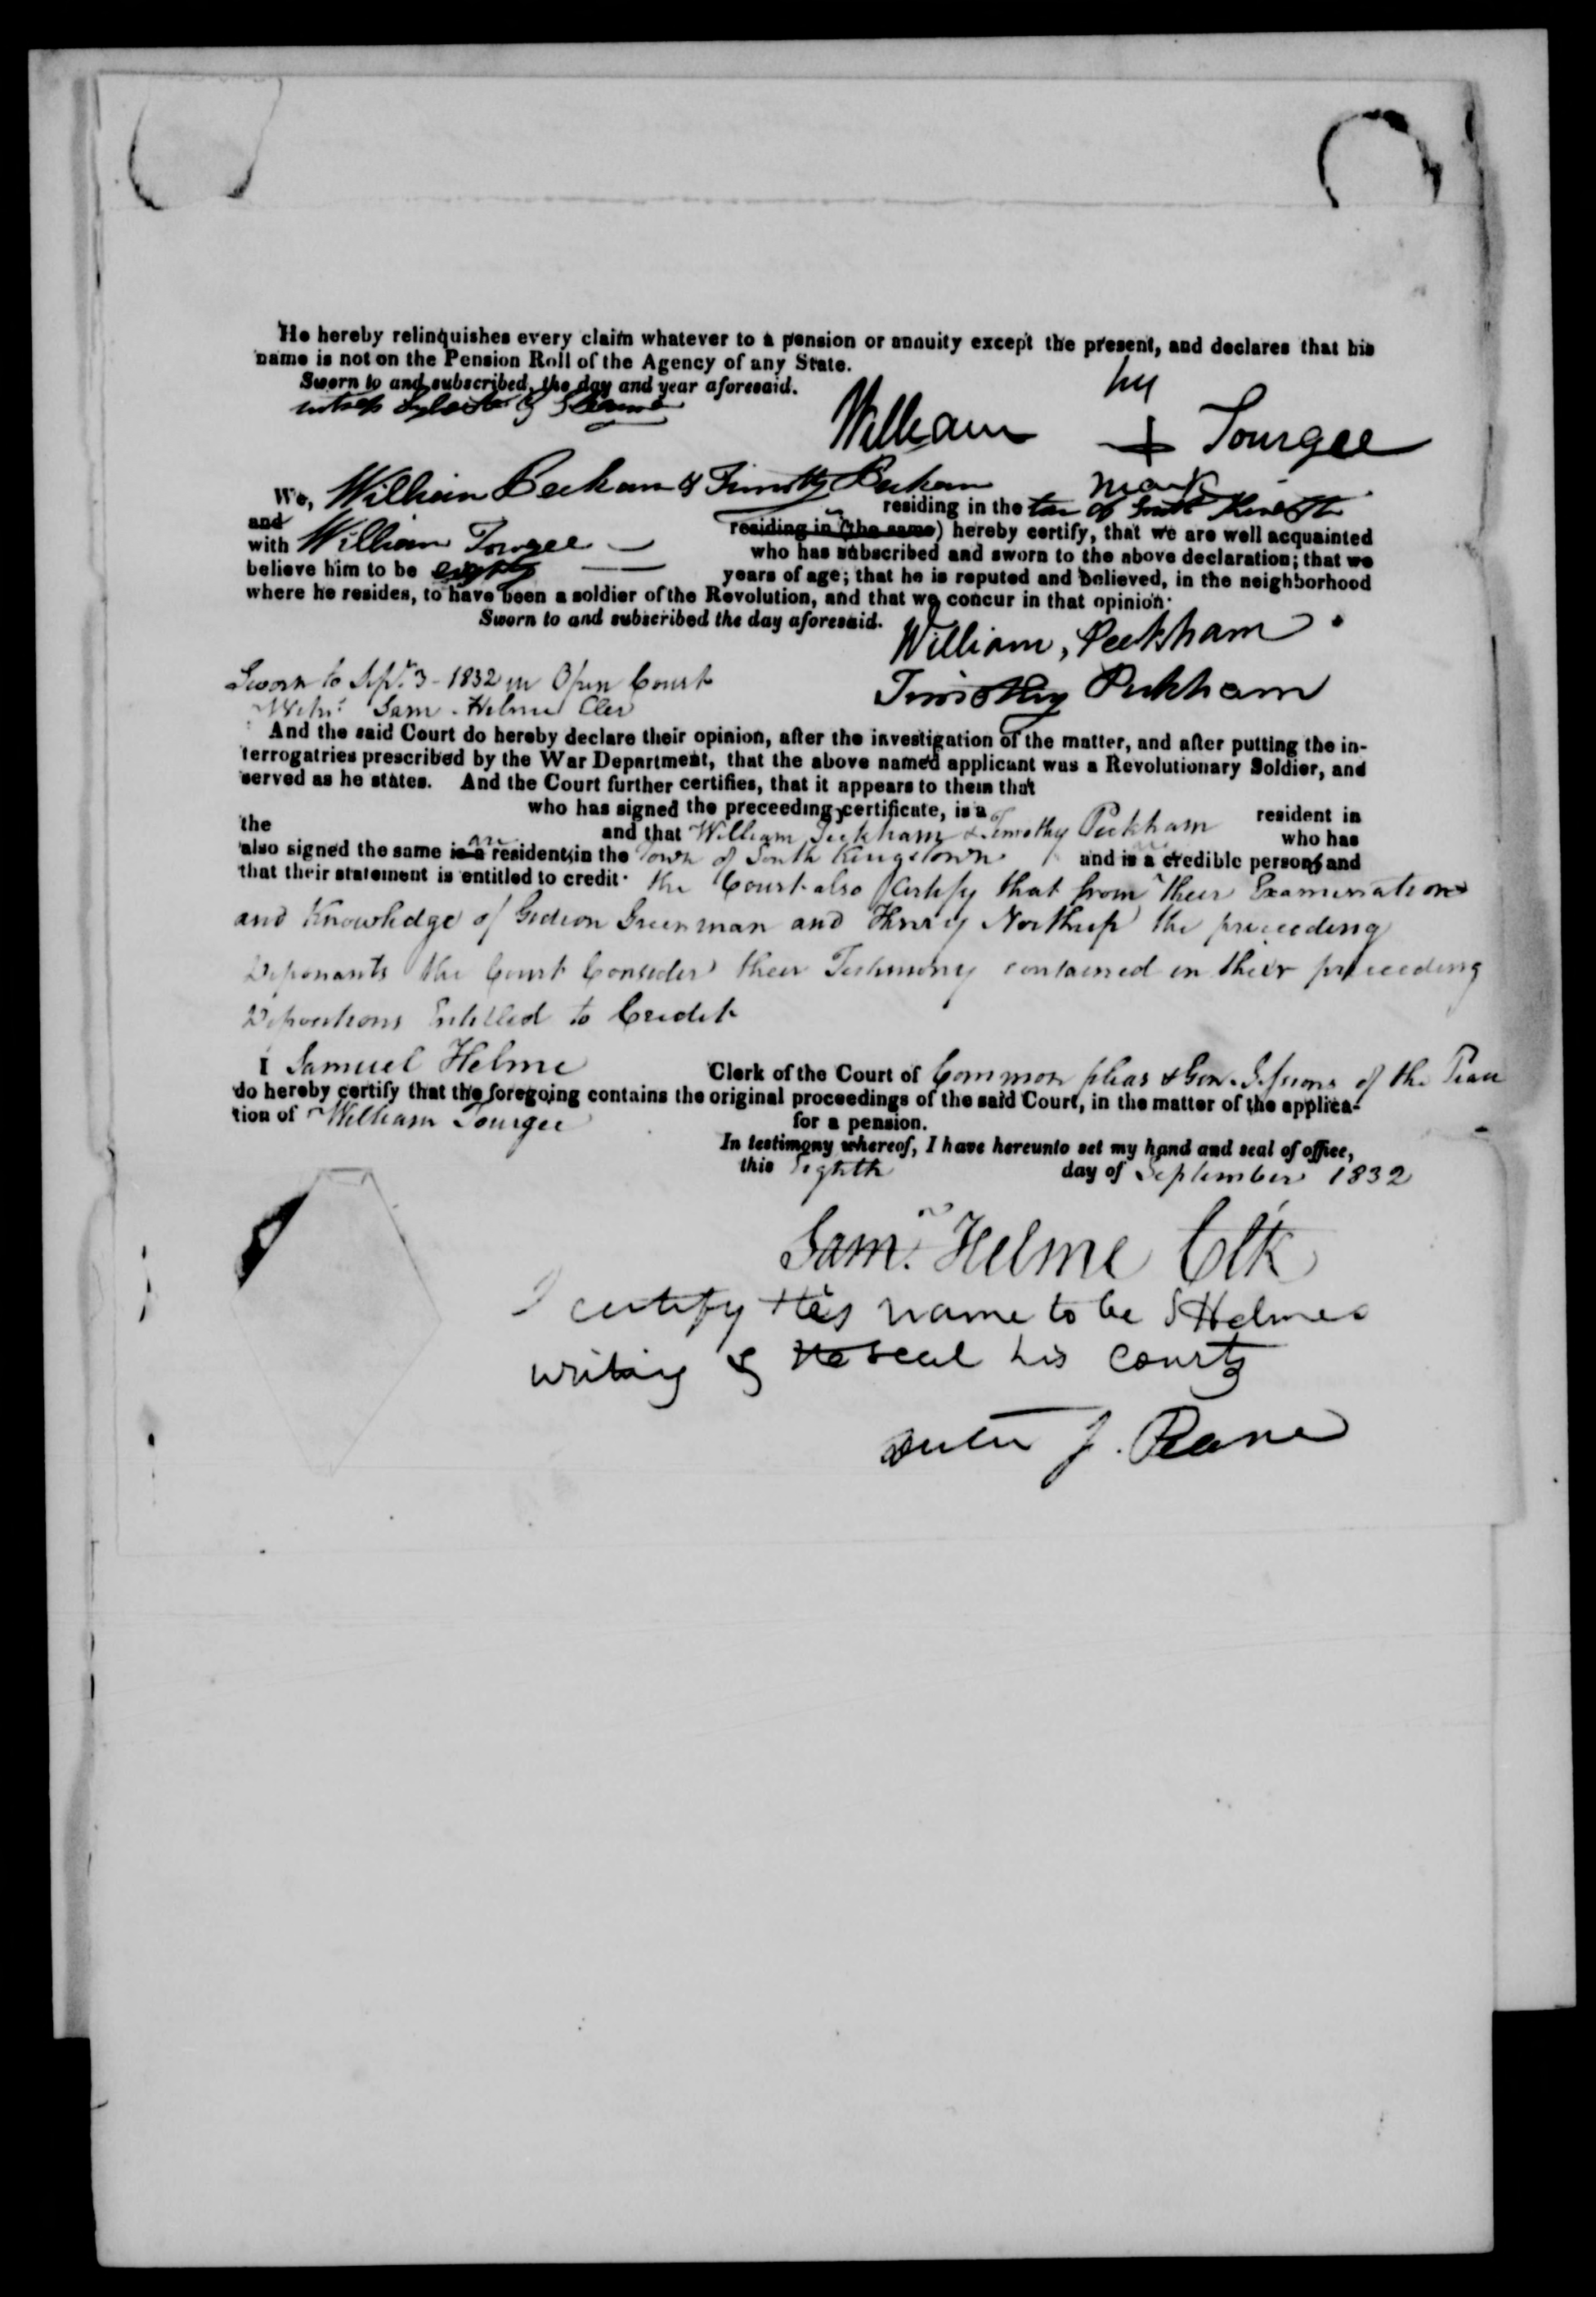He hereby relinquishes every claim whatever to a pension or annuity except the present, and declares that his name is not on the Pension Roll of the Agency of any State.
Sworn to and subscribed the day and year aforesaid. by
[illegible handwriting] 
William his mark Tourgee
We, William Peckman & Timothy Peckman, residing in the town of South Kingston [crossed out]/and/[crossed out] [blank] [crossed out]/residing in the same)/[crossed out] hereby certify, that we are well acquainted with William Tourgee who has subscribed and sworn to the above declaration; that we believe him to be eighty years of age; that he is reputed and believed, in the neighborhood
where he resides, to have been a soldier of the Revolution, and that we concur in that opinion
Sworn to and subscribed the day aforesaid.  William Peckham
Timothy Peckham
Sworn to Sept. 1832 in Open Court
Winn Sam. Helme Cler
And the said Court do hereby declare their opinion, after the investigation of the matter, and after putting the interrogatries prescribed by the War Department, that the above named applicant was a Revolutionary Soldier, and
served as he states. And the Court further certifies, that it appears to them that who has signed the preceeding certificate, is a resident in the [blank] and that William Peckham & Timothy Peckham who has also signed the same [crossed out]/is a/[crossed out] are residents in the Town of South Kingston, and [crossed out]/is a/[crossed out] are credible persons and that their statement is entitled to credit. The Court also certify that from their Examination and knowledge of Gideon Greenman and Henry Northup the preceeding Deponents the Court Consider their Testimony contained in their preceeding Depositions Entitled to Credit
I Samuel Helme Clark of the Court of Common Pleas & Gen. [illegible] of the Peace do hereby certify that the foregoing contains the original proceedings of the said Court, in the matter of the application of William Tourgee for a pension.
In testimony whereof, I have hereunto set my hand and seal of office, 
this Eighth day of September 1832
Sam Helme Clk
I certify this name to be S Helme's Holmes
writing & the seal his courts
[illegible] J. Pane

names: Timothy Peckham, William Peckam, Saml Helme, Timothy Peckam, William Peckham, William Peckham, William Tourgee, Henry Northrop, Timothy Peckham, William Tourgee, Gideon Greenman, S Helme, Samuel Helme, William Tourgee, Sam Helme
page: 6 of 21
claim: survivor's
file: S. 21537, William Tourgee, R.I.